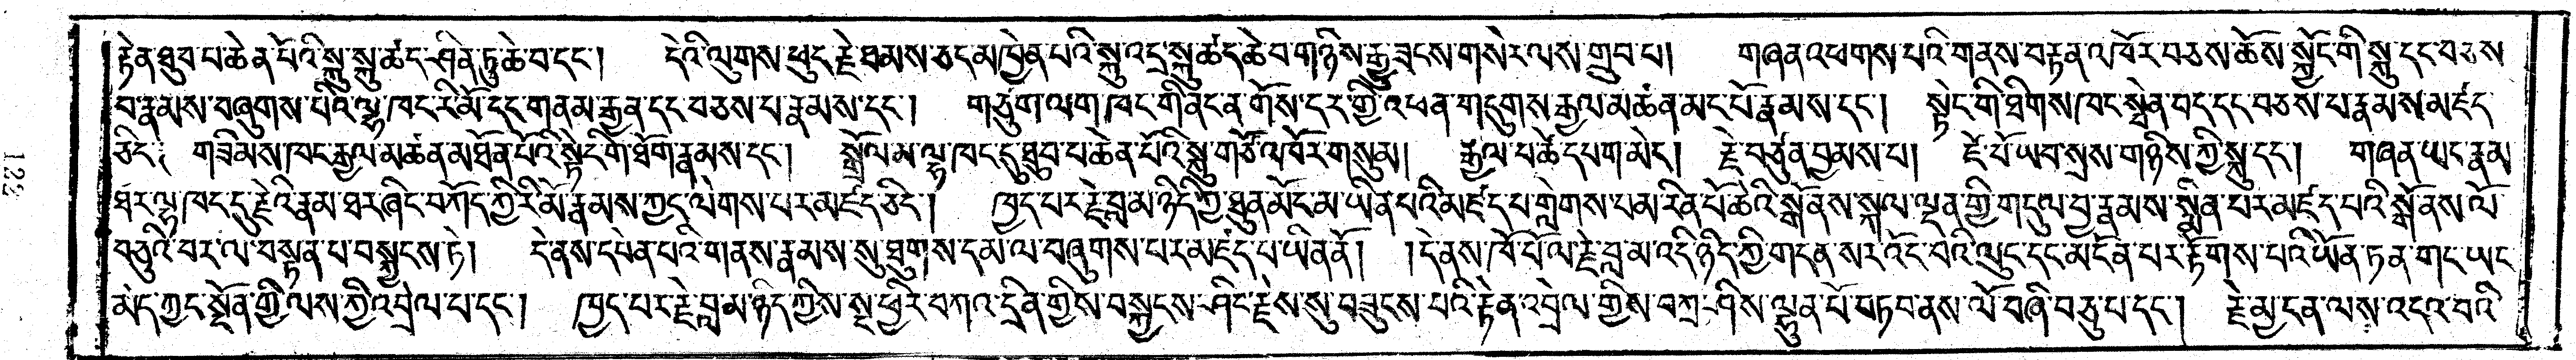རྟེན་ཐུབ་པ་ཆེན་པོའི་སྐུ་སྐུ་ཚད་ཤིན་ཏུ་ཆེ་བ་དང་། དེའི་ལུགས་ཕུད་རྗེ་ཐམས་ཅད་མཁྱེན་པའི་སྐུ་འདྲ་སྐུ་ཚད་ཆེ་བ་གཉིས་རྒྱུ་ཟངས་གསེར་ལས་གྲུབ་པ། གཞན་འཕགས་པའི་གནས་བརྟན་འཁོར་བཅས་ཆོས་སྐྱོང་གི་སྐུ་དང་བཅས་
བ་རྣམས་བཞུགས་པའི་ལྷ་ཁང་རི་མོ་དང་གནམ་རྒྱན་དང་བཅས་པ་རྣམས་དང་། གཙུག་ལག་ཁང་གི་ནང་ན་གོས་དར་གྱི་འཕན་གདུགས་རྒྱལ་མཚན་མང་པོ་རྣམས་དང་། སྟེང་གི་ཐིགས་ཁང་སྦེན་བད་དང་བཅས་པ་རྣམས་མཛད་
ཅིང༑ གཟིམས་ཁང་རྒྱལ་མཚན་མཐོན་པོའི་སྟེང་གི་ཐོག་རྣམས་དང་། སྒྲོལ་མ་ལྷ་ཁང་དུ་ཐུབ་པ་ཆེན་པོའི་སྐུ་གཙོ་འཁོར་གསུམ། རྒྱལ་བ་ཚེ་དཔག་མེད། རྗེ་བཙུན་བྱམས་པ། ཇོ་བོ་ཡབ་སྲས་གཉིས་ཀྱི་སྐུ་དང་། གཞན་ཡང་རྣམ་
ཐར་ལྷ་ཁང་དུ་རྗེའི་རྣམ་ཐར་ཞིང་བཀོད་ཀྱི་རི་མོ་རྣམས་ཀྱང་ལེགས་པར་མཛད་ཅིང་། ཁྱད་པར་རྗེ་བླ་མ་ཉིད་ཀྱི་ཐུན་མོང་མ་ཡིན་པའི་མཛད་པ་གླེགས་པམ་རིན་པོ་ཆེའི་སྒོ་ནས་སྐལ་ལྡན་གྱི་གདུལ་བྱ་རྣམས་སྨིན་པར་མཛད་པའི་སྒོ་ནས་ལོ་
བཅུའི་བར་ལ་བསྟན་པ་བསྐྱངས་ཏེ། དེ་ནས་དཔེན་པའི་གནས་རྣམས་སུ་ཐུགས་དམ་ལ་བཞུགས་པར་མཛད་པ་ཡིན་ནོ། །དེ་ནས་ཁོ་པོ་ལ་རྗེ་བླ་མ་འདི་ཉིད་ཀྱི་གདན་སར་འོང་བའི་ལུང་དང་མངོན་པར་རྟོགས་པའི་ཡོན་ཏན་གང་ཡང་
མེད་ཀྱང་སྔོན་གྱི་ལས་ཀྱི་འབྲེལ་པ་དང་། ཁྱད་པར་རྗེ་བླ་མ་ཉིད་ཀྱིས་སྔ་ཕྱིར་བཀའ་དྲིན་གྱིས་བསྐྱངས་ཤིང་རྗེས་སུ་བཟུངས་པའི་རྟེན་འབྲེལ་གྱིས་བཀྲ་ཤིས་ལྷུན་པོ་བཏབ་ནས་ལོ་བཞི་བཅུ་པ་དང་། རྗེ་མྱ་ངན་ལས་འདའ་བའི་